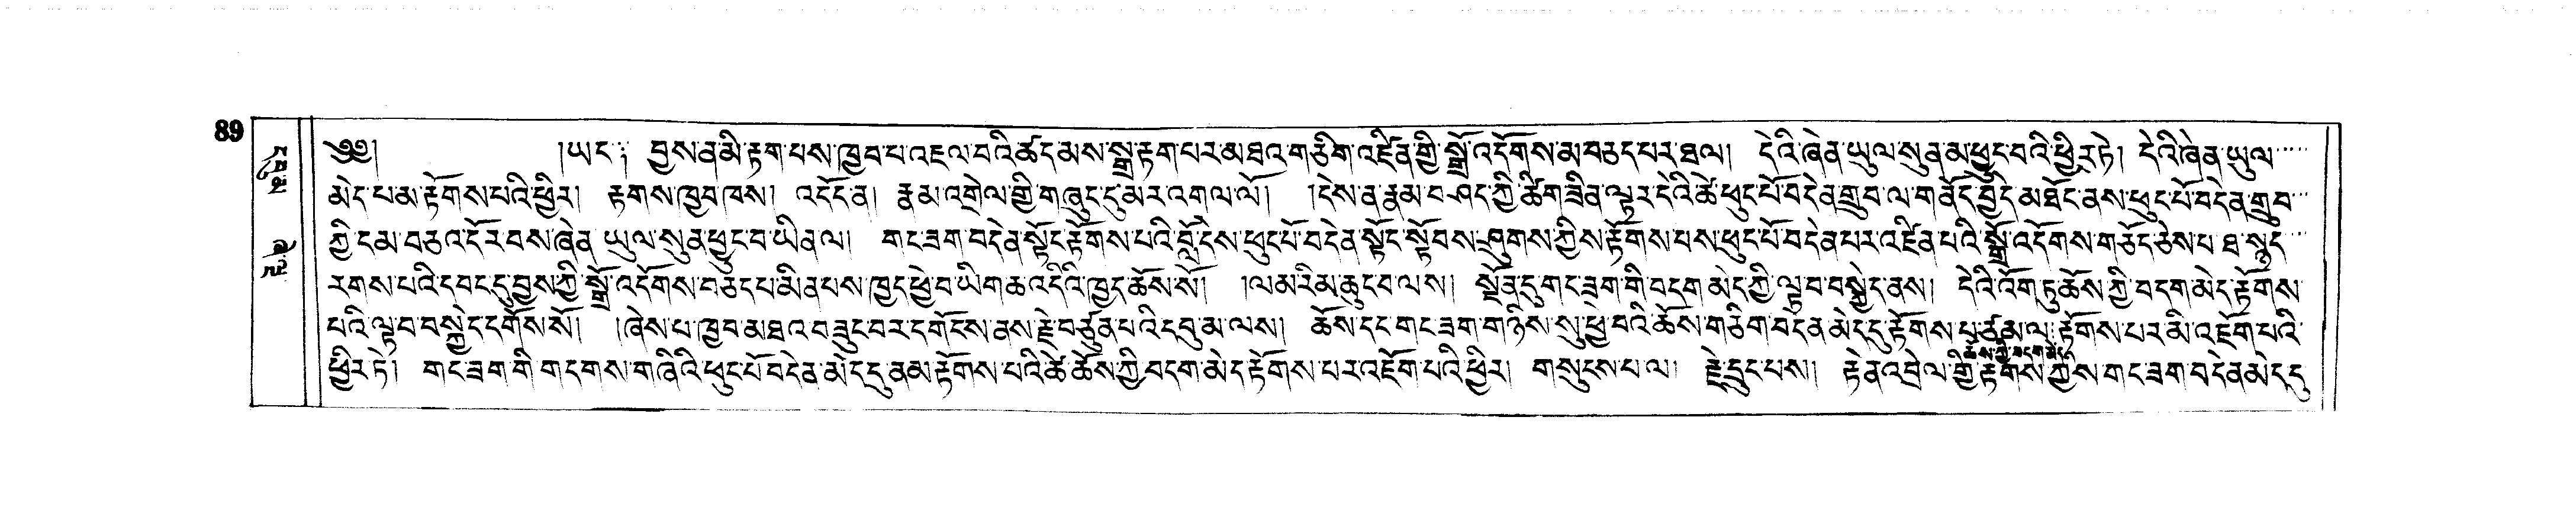༄༅། །ཡང་། བྱས་ན་མི་རྟག་པས་ཁྱབ་པ་འཇལ་བའི་ཚད་མས་སྒྲ་རྟག་པར་མཐའ་གཅིག་འཛིན་གྱི་སྒྲོ་འདོགས་མ་བཅད་པར་ཐལ། དེའི་ཞེན་ཡུལ་སུན་མ་ཕྱུང་བའི་ཕྱིར་ཏེ། དེའི་ཞེན་ཡུལ་
མེད་པ་མ་རྟོགས་པའི་ཕྱིར། རྟགས་ཁྱབ་ཁས། འདོད་ན། རྣམ་འགྲེལ་གྱི་གཞུང་དུ་མར་འགལ་ལོ། །དེས་ན་རྣམ་བཤད་ཀྱི་ཚིག་ཟིན་ལྟར་དེའི་ཚེ་ཕུང་པོ་བདེན་གྲུབ་ལ་གནོད་བྱེད་མཐོང་ནས་ཕུང་པོ་བདེན་གྲུབ་
ཀྱི་དམ་བཅའ་དོར་བས་ཞེན་ཡུལ་སུན་ཕྱུང་བ་ཡིན་ལ། གང་ཟག་བདེན་སྟོང་རྟོགས་པའི་བློ་དེས་ཕུང་པོ་བདེན་སྟོང་སྟོབས་ཤུགས་ཀྱིས་རྟོགས་པས་ཕུང་པོ་བདེན་པར་འཛིན་པའི་སྒྲོ་འདོགས་གཅོད་ཅེས་པ་ཐ་སྙད་
རགས་པའི་དབང་དུ་བྱས་ཀྱི་སྒྲོ་འདོགས་བཅད་པ་མིན་པས་ཁྱད་ཕྱེ་བ་ཡིག་ཆ་འདིའི་ཁྱད་ཆོས་སོ། །ལམ་རིམ་ཆུང་བ་ལས། སྔོན་དུ་གང་ཟག་གི་བདག་མེད་ཀྱི་ལྟ་བ་བསྐྱེད་ནས། དེའི་འོག་ཏུ་ཆོས་ཀྱི་བདག་མེད་རྟོགས་
པའི་ལྟ་བ་བསྐྱེད་དགོས་སོ། །ཞེས་པ་ཁྱབ་མཐའ་བཟུང་བར་དགོངས་ནས་རྗེ་བཙུན་པའི་དབུ་མ་ལས། ཆོས་དང་གང་ཟག་གཉིས་སུ་ཕྱེ་བའི་ཆོས་གཅིག་བདེན་མེད་དུ་རྟོགས་པ་ཙམ་ལ་ཆོས་ཀྱི་བདག་མེད་རྟོགས་པར་མི་འཇོག་པའི་
ཕྱིར་ཏེ། གང་ཟག་གི་གདགས་གཞིའི་ཕུང་པོ་བདེན་མེད་དུ་ནམ་རྟོགས་པའི་ཚེ་ཆོས་ཀྱི་བདག་མེད་རྟོགས་པར་འཇོག་པའི་ཕྱིར། གསུངས་པ་ལ། རྗེ་དྲུང་པས། རྟེན་འབྲེལ་གྱི་རྟགས་ཀྱིས་གང་ཟག་བདེན་མེད་དུ་